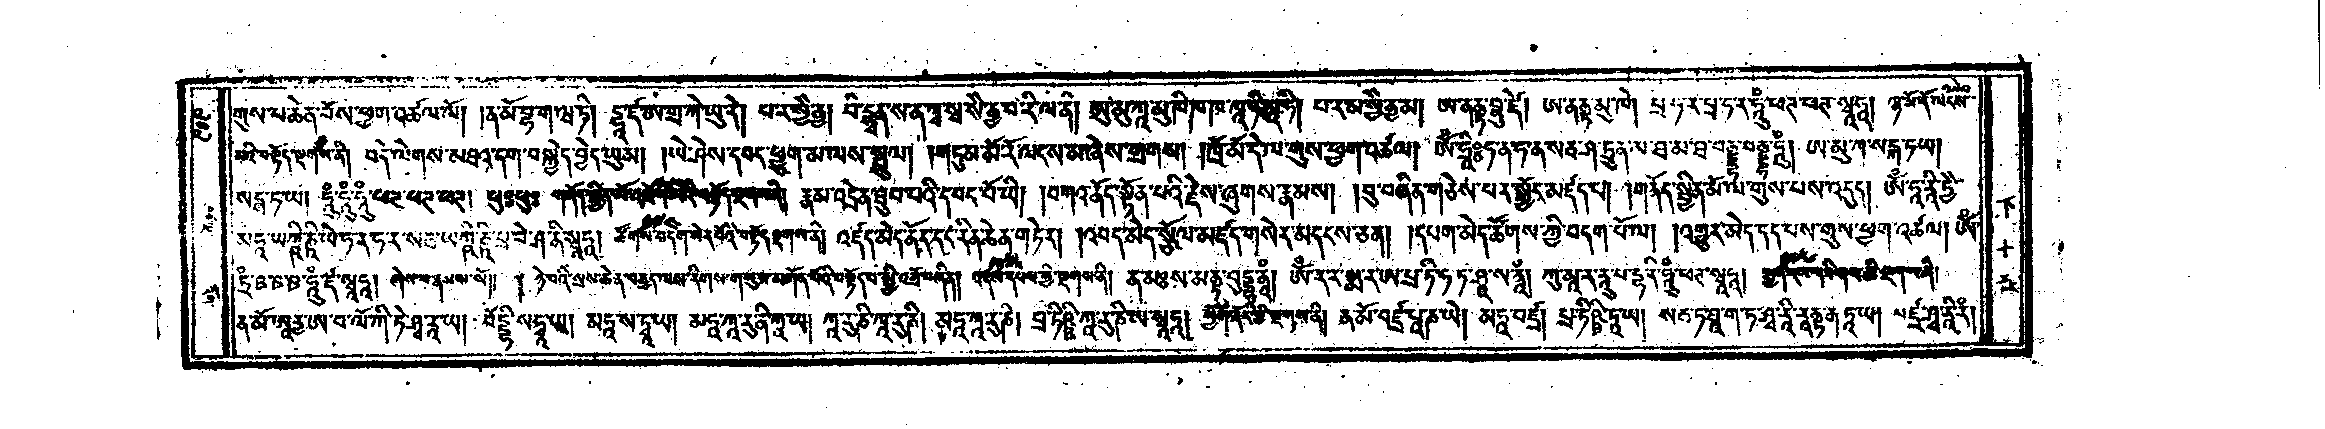གུས་པ་ཆེན་པོས་ཕྱག་འཚལ་ལོ། །ན་མོ་བྷ་ག་ཝ་ཏི། དྷཱ་ཛ་ཨ་གྲ་ཀེ་ཡུ་རེ། པ་ར་སྱཻ་ནྱ། བི་དྷྭན་ས་ན་ཀྭ་སྭ་སཻ་ནྱ་བ་རི་ལ་ནི། ཨུ་མུ་ཀཱ་མུ་ཁི་ཁ་ཁ་ཁཱ་ཧི་ཁཱ་ཧི། པ་ར་མ་སྱཻ་ནྱ་མ། ཨ་ནནྟ་བྷུ་ཛེ། ཨ་ནནྟ་མུ་ཁེ། པྲ་ཧ་ར་པྲ་ཧ་ར་ཧཱུཾ་ཕཊ་ཕཊ་སྭཱཧཱ། ལྷ་མོ་རོ་ལངས?༡༧༢
མའི་བསྟོད་སྔགས་ནི། བདེ་ལེགས་མཐའ་དག་བསྐྱེད་བྱེད་ཡུམ། །ཡེ་ཤེས་དབང་ཕྱུག་མ་ལས་སྤྲུལ། །གཏུམ་མོ་རོ་ལངས་མ་ཞེས་གྲགས། །ཁྲོ་མོ་དེ་ལ་གུས་ཕྱག་འཚལ། ཨོཾ་ཧྲཱིཿཧ་ན་ཧ་ན་སརྦ་ཤ་ཏྲུན་མ་ཐ་མ་ཐ་བནྡྡྷ་བནྡྡྷ་ཧཱུཾ། ཨ་མུ་ཀ་སངྒ་ཏ་ཡ།
སངྒ་ཏ་ཡ། ཧཱུཾ་ཧཱུཾ་ཧཱུཾ་ཕཊ་ཕཊ་ཕཊ། ཕུཿཕུཿ གནོད་སྦྱིན་མོ་འཕྲོག་མའི༡༧༣་བསྟོད་སྔགས་ནི། རྣམ་འདྲེན་ཐུབ་པའི་དབང་པོ་ཡི། །བཀའ་ནོད་སྟོན་པའི་རྗེས་ཞུགས་རྣམས། །བུ་བཞིན་གཅེས་པར་སྐྱོང་མཛད་པ། །གནོད་སྦྱིན་མོ་ལ་གུས་པས་འདུད། ཨོཾ་ཧཱ་རཱི་ཏྱཻ་
མཧཱ་ཡཀྵི་ཎཱི་ཡེ་ཧ་ར་ཧ་ར་སརྦ་ཡཀྵི་ཎཱི་པྲ་བེ་ཤ་ནི་སྭཱཧཱ། ཚོགས་བདག༡༧༤་སེར་པོའི་བསྟོད་སྔགས་ནི། འཛད་མེད་ནོར་དང་རིན་ཆེན་གཏེར། །འབད་མེད་སྩོལ་མཛད་གསེར་མདངས་ཅན། །དཔག་མེད་ཚོགས་ཀྱི་བདག་པོ་ལ། །འགྱུར་མེད་དད་པས་གུས་ཕྱག་འཚལ། ཨོཾ་
ཏྲཾ་ཊཿཨ་ཊཿཨ་ཊཿཨ་ཧཱུཾ་ཛ་སྭཱཧཱ། ཞེས་པ་རྣམས་སོ།། ༈ ཉེ་བའི་སྲས་ཆེན་བརྒྱད་ལས་རིགས་གསུམ་མགོན་པོའི་བསྟོད་པ་སྤྱི་འགྲོ་བཞིན། འཇམ་དཔལ༡༧༥་གྱི་སྔགས་ནི། ན་མཿས་མནྟ་བུདྡྷཱ་ནཱཾ། ཨོཾ་ར་ར་སྨ་ར་ཨ་པྲ་ཏི་ཧ་ཏ་ཤཱ་ས་ནཱཾ། ཀུ་མཱ་ར་རཱུ་པ་དྷ་རི་ཧཱུཾ་ཕཊ་སྭཱཧཱ། སྤྱན་རས༡༧༦་གཟིགས་ཀྱི་སྔགས་ནི།
ན་མོ་ཨཱརྱ་ཨ་བ་ལོ་ཀི་ཏེ་ཤྭ་རཱ་ཡ། བོདྡྷི་སཏྭཱ་ཡ། མཧཱ་ས་ཏྭཱ་ཡ། མཧཱ་ཀཱ་རུ་ནི་ཀཱ་ཡ། ཀཱ་རུ་ཎི་ཀཱ་རུ་ཎི། མཧཱ་ཀཱ་རུ་ཎི། པྲ་ཏིཥཊཿཨི་ཀཱ་རུ་ཎི་ཡ་སྭཱཧཱ། ཕྱག༡༧༧་རྡོར་གྱི་སྔགས་ནི། ན་མོ་བཛྲ་པཱ་ཎ་ཡེ། མཧཱ་བཛྲ། པྲ་ཏིཥཊཿཨི་ཏཱ་ཡ། སརྦ་ཏ་ཐཱ་ག་ཏ་ཤྭ་རཱི་རཱནྟ་རྒ་ཏཱ་ཡ། བཛྲ་ཤྭ་རཱི་རཾ།